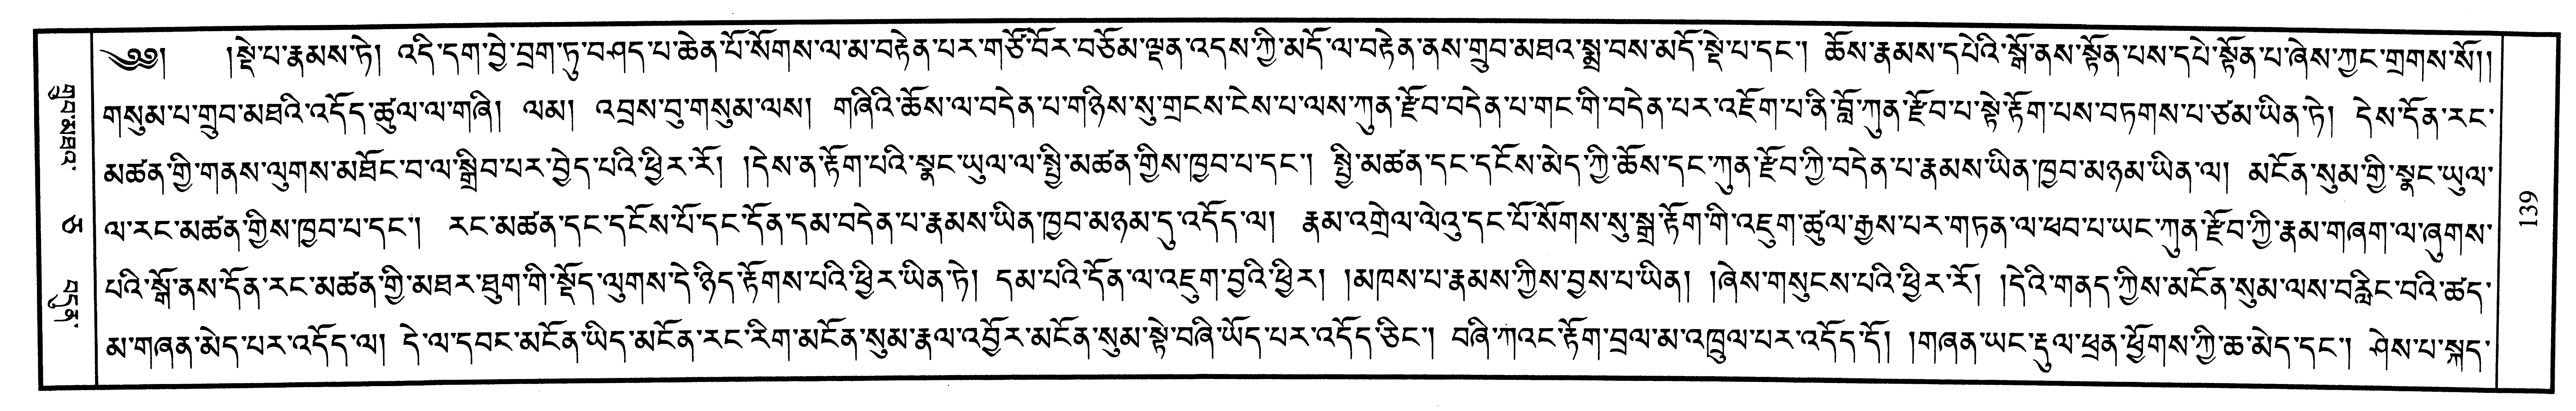༄༅། །སྡེ་པ་རྣམས་ཏེ། འདི་དག་བྱེ་བྲག་ཏུ་བཤད་པ་ཆེན་པོ་སོགས་ལ་མ་བརྟེན་པར་གཙོ་བོར་བཅོམ་ལྡན་འདས་ཀྱི་མདོ་ལ་བརྟེན་ནས་གྲུབ་མཐའ་སྨྲ་བས་མདོ་སྡེ་པ་དང་། ཆོས་རྣམས་དཔེའི་སྒོ་ནས་སྟོན་པས་དཔེ་སྟོན་པ་ཞེས་ཀྱང་གྲགས་སོ།།
གསུམ་པ་གྲུབ་མཐའི་འདོད་ཚུལ་ལ་གཞི། ལམ། འབྲས་བུ་གསུམ་ལས། གཞིའི་ཆོས་ལ་བདེན་པ་གཉིས་སུ་གྲངས་ངེས་པ་ལས་ཀུན་རྫོབ་བདེན་པ་གང་གི་བདེན་པར་འཇོག་པ་ནི་བློ་ཀུན་རྫོབ་པ་སྟེ་རྟོག་པས་བཏགས་པ་ཙམ་ཡིན་ཏེ། དེས་དོན་རང་
མཚན་གྱི་གནས་ལུགས་མཐོང་བ་ལ་སྒྲིབ་པར་བྱེད་པའི་ཕྱིར་རོ། །དེས་ན་རྟོག་པའི་སྣང་ཡུལ་ལ་སྤྱི་མཚན་གྱིས་ཁྱབ་པ་དང་། སྤྱི་མཚན་དང་དངོས་མེད་ཀྱི་ཆོས་དང་ཀུན་རྫོབ་ཀྱི་བདེན་པ་རྣམས་ཡིན་ཁྱབ་མཉམ་ཡིན་ལ། མངོན་སུམ་གྱི་སྣང་ཡུལ་
ལ་རང་མཚན་གྱིས་ཁྱབ་པ་དང་། རང་མཚན་དང་དངོས་པོ་དང་དོན་དམ་བདེན་པ་རྣམས་ཡིན་ཁྱབ་མཉམ་དུ་འདོད་ལ། རྣམ་འགྲེལ་ལེའུ་དང་པོ་སོགས་སུ་སྒྲ་རྟོག་གི་འཇུག་ཚུལ་རྒྱས་པར་གཏན་ལ་ཕབ་པ་ཡང་ཀུན་རྫོབ་ཀྱི་རྣམ་གཞག་ལ་ཞུགས་
པའི་སྒོ་ནས་དོན་རང་རང་མཚན་གྱི་མཐར་ཐུག་གི་སྡོད་ལུགས་དེ་ཉིད་རྟོགས་པའི་ཕྱིར་ཡིན་ཏེ། དམ་པའི་དོན་ལ་འཇུག་བྱའི་ཕྱིར། །མཁས་པ་རྣམས་ཀྱིས་བྱས་པ་ཡིན། །ཞེས་གསུངས་པའི་ཕྱིར་རོ། །དེའི་གནད་ཀྱིས་མངོན་སུམ་ལས་བརླིང་བའི་ཚད་
མ་གཞན་མེད་པར་འདོད་ལ། དེ་ལ་དབང་མངོན་ཡིད་མངོན་རང་རིག་མངོན་སུམ་རྣལ་འབྱོར་མངོན་སུམ་སྟེ་བཞི་ཡོད་པར་འདོད་ཅིང་། བཞི་ཀའང་རྟོག་བྲལ་མ་འཁྲུལ་པར་འདོད་དོ། །གཞན་ཡང་རྡུལ་ཕྲན་ཕྱོགས་ཀྱི་ཆ་མེད་དང་། ཤེས་པ་སྐད་